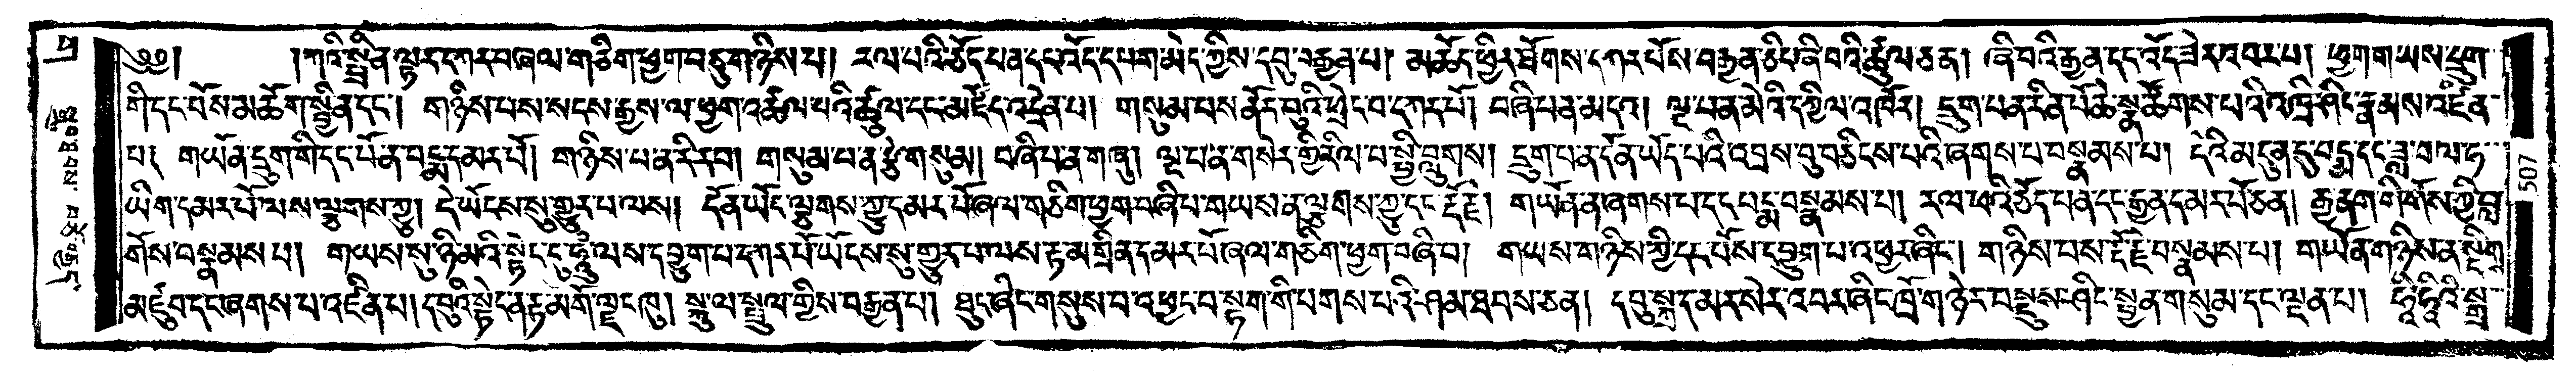༄༅། །ཀའི་སྤྲིན་ལྟར་དཀར་བཞལ་གཅིག་ཕྱག་བཅུ་གཉིས་པ། རལ་པའི་ཅོད་པན་དང་འོད་དཔག་མེད་ཀྱིས་དབུ་བརྒྱན་པ། མཆོད་ཕྱིར་ཐོགས་དཀར་པོས་བརྒྱན་ཅིང་ཞི་བའི་ཚུལ་ཅན། ཞི་བའི་རྒྱན་དང་འོད་ཟེར་འབར་པ། ཕྱག་གཡས་དྲུག་
གི་དང་པོས་མཆོག་སྤྱིན་དང་། གཉིས་པས་སངས་རྒྱས་ལ་ཕྱག་འཚལ་པའི་ཚུལ་དང་མཛོད་འདྲེན་པ། གསུམ་པས་ནོར་བུའི་ཕྲེང་བ་དཀར་པོ། བཞི་པ་ན་མདའ། ལྔ་པ་ན་མེའི་དཀྱིལ་འཁོར། དྲུག་པ་ན་རིན་པོ་ཆེ་སྣ་ཚོགས་པའི་འཁྲི་ཤིང་རྣམས་འཛིན་
པ༑ གཡོན་དྲུག་གི་དང་པོ་ན་པདམ་དམར་པོ། གཉིས་པ་ན་རི་རབ། གསུམ་པ་ན་རྩེ་གསུམ། བཞི་པ་ན་གཞུ། ལྔ་པ་ན་གསེར་གྱི་རིལ་བ་སྤྱི་བླུགས། དྲུག་པ་ན་དོན་ཡོད་པའི་འབྲས་བུ་བཅིངས་པའི་ཞགས་པ་བསྣམས་པ། དེའི་མདུན་དུ་པདམ་དང་ཟླ་བ་ལ་ཧ་
ཡིག་དམར་པོ་ལས་ལྕགས་ཀྱུ། དེ་ཡོངས་སུ་གྱུར་པ་ལས། དོན་ཡོད་ལྕགས་ཀྱུ་དམར་པོ་ཞལ་གཅིག་ཕྱག་བཞི་པ་གཡས་ན་ལྕགས་ཀྱུ་དང་རྡོ་རྗེ། གཡོན་ན་ཞགས་པ་དང་པདམ་བསྣམས་པ། རལ་བའི་ཅོད་པན་དང་རྒྱན་དམར་པོ་ཅན། རྒྱ་ནག་གི་གོས་ཀྱི་བླ་
གོས་བསྣམས་པ། གཡས་སུ་ཉི་མའི་སྟེང་དུ་ཧཱུཾ་ལས་དབྱུག་པ་དཀར་པོ་ཡོངས་སུ་གྱུར་པ་ལས་རྟ་མགྲིན་དམར་པོ་ཞལ་གཅིག་ཕྱག་བཞི་པ། གཡས་གཉིས་ཀྱི་དང་པོས་དབྱུག་པ་འཕྱར་ཞིང་། གཉིས་པས་རྡོ་རྗེ་བསྣམས་པ། གཡོན་གཉིས་ན་སྡིགས་
མཛུབ་དང་ཞགས་པ་འཛིན་པ། དབུའི་སྟེང་ན་རྟ་མགོ་ལྗང་ཁུ། སྐུ་ལ་སྤྲུལ་གྱིས་བརྒྱན་པ། ཐུང་ཞིང་གསུས་བ་འཕྱང་བ་སྟག་གི་པགས་པའི་ཤམ་ཐབས་ཅན། དབུ་སྐྲ་དམར་སེར་འབར་ཞིང་ཁྲོ་གཉེར་བསྡུས་ཤིང་སྤྱན་གསུམ་དང་ལྡན་པ། ཧཱི་ཧཱིའི་སྒྲ་